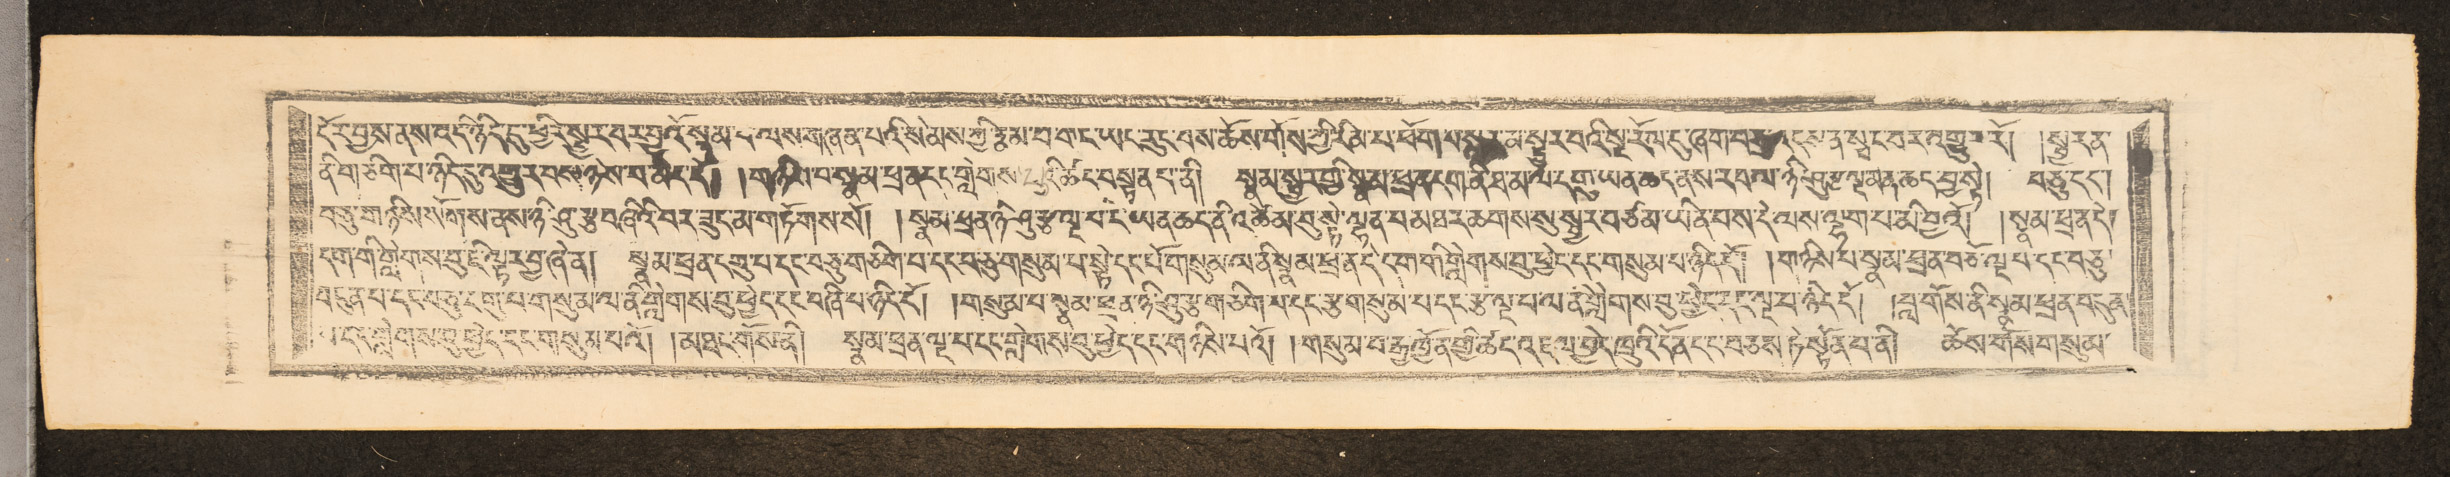དོར་བྱས་ནས་འདི་ཉིད་དུ་ཕྱིར་སྦྱར་བར་བྱའོ་སྙམ་པ་ལས་གཞན་པའི་སེམས་ཀྱི་རྣམ་པ་གང་ཡང་རུང་བས་ཆོས་གོས་ཀྱི་རིམ་པ་ལོག་པ་སླར་མ་སྦྱར་བའི་སྔ་རོལ་དུ་ཞག་བཅུ་འདས་ན་སྤང་བར་འགྱུར་རོ། །སྦྱར་ན་
ནི་གཅིག་པ་ཉིད་དུ་འགྱུར་བས་ཉེས་པ་མེད་དོ། །གཉིས་པ་སྣམ་ཕྲན་དང་གླེགས་བུའི་ཚད་བསྟན་པ་ནི། སྣམ་སྦྱར་གྱི་སྣམ་ཕྲན་དག་ནི་ཐ་མ་ལ་དགུ་ཡན་ཆད་ནས་རབ་ལ་ཉི་ཤུ་རྩ་ལྔ་མན་ཆད་བྱ་སྟེ། བཅུ་དང་།
བཅུ་གཉིས་སོགས་ནས་ཉི་ཤུ་རྩ་བཞིའི་བར་ཐུང་མ་གཏོགས་སོ། །སྣམ་ཕྲན་ཉི་ཤུ་རྩ་ལྔ་པ་དེ་ཡན་ཆད་ནི་འཚེམ་བུ་སྟེ་ལྷན་པ་མཐར་ཆགས་སུ་སྦྱར་བ་ཙམ་ཡིན་པས་དེ་ལས་ལྷག་པ་མི་བྱའོ། །སྣམ་ཕྲན་དེ་
དག་གི་གླེགས་བུ་ཇི་ལྟར་བྱ་ཞེ་ན། སྣམ་ཕྲན་དགུ་པ་དང་བཅུ་གཅིག་པ་དང་བཅུ་གསུམ་པ་སྟེ་དང་པོ་གསུམ་ལ་ནི་སྣམ་ཕྲན་དེ་དག་གི་གླེགས་བུ་ཕྱེད་དང་གསུམ་པ་ཉིད་དོ། །གཉིས་པ་སྣམ་ཕྲན་བཅོ་ལྔ་པ་དང་བཅུ་
བདུན་པ་དང་བཅུ་དགུ་པ་གསུམ་ལ་ནི་གླེགས་བུ་ཕྱེད་དང་བཞི་པ་ཉིད་དོ། །གསུམ་པ་སྣམ་ཕྲན་ཉི་ཤུ་རྩ་གཅིག་པ་དང་རྩ་གསུམ་པ་དང་རྩ་ལྔ་པ་ལ་ནི་གླེགས་བུ་ཕྱེད་དང་ལྔ་པ་ཉིད་དོ། །བླ་གོས་ནི་སྣམ་ཕྲན་བདུན་
པ་དང་གླེགས་བུ་ཕྱེད་དང་གསུམ་པའོ། །མཐང་གོས་ནི། སྣམ་ཕྲན་ལྔ་པ་དང་གླེགས་བུ་ཕྱེད་དང་གཉིས་པའོ། །གསུམ་པ་རྒྱ་ཁྱོན་གྱི་ཚད་འཇལ་བྱེད་ཁྲུའི་དོན་དང་བཅས་ཏེ་སྟོན་པ་ནི། ཆོས་གོས་གསུམ་